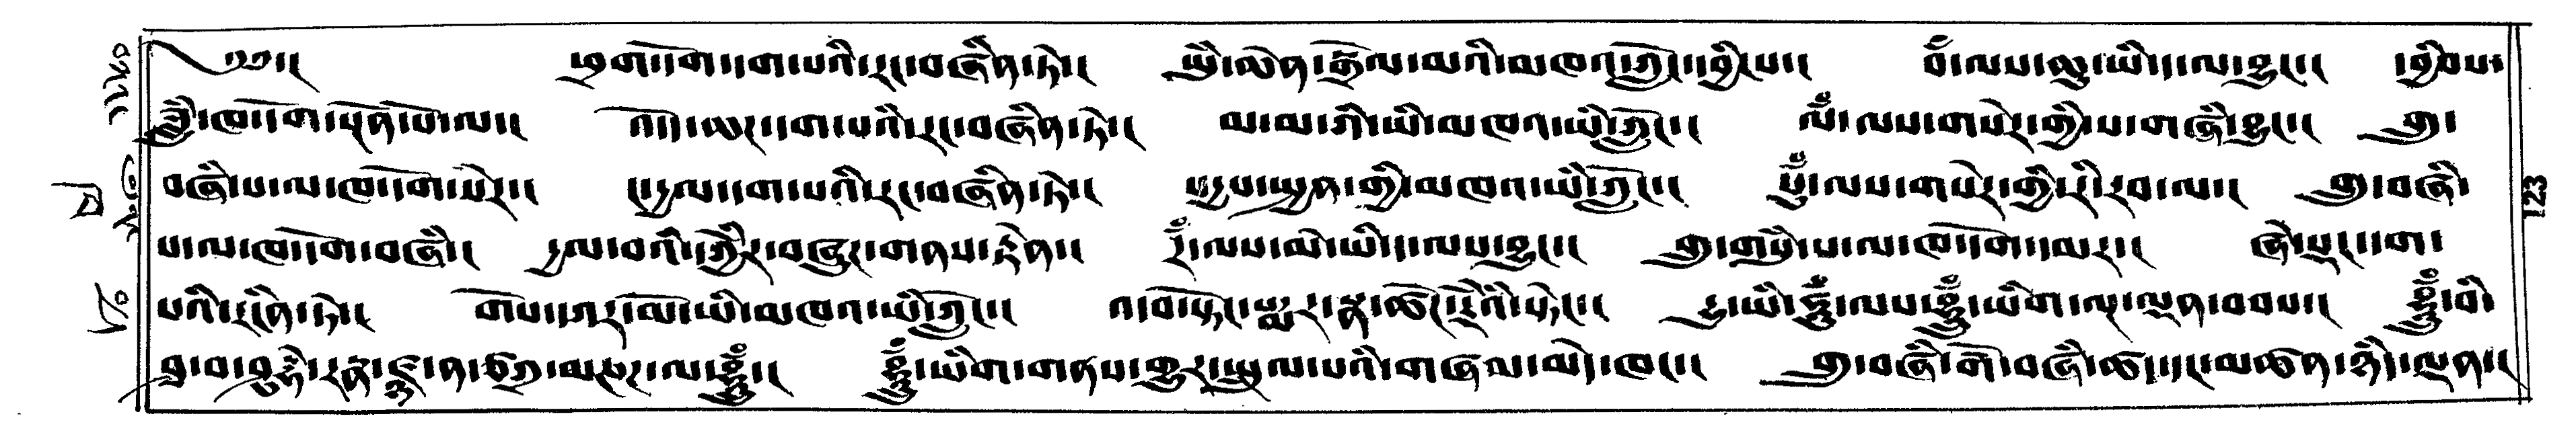ཕྲག་དོག་དག་པའི་རང་བཞིན་ཏེ། །ཡུམ་ཆེན་སྒྲོལ་མའི་མཁའ་ཀློང་དབྱིངས། །བཾ་ལས་ཆུ་ཡི་ད་ལ་བྱུང་། །དབྱིབས་
ཟླུམ་ཁ་དོག་སྔོན་པོ་ལ། །འདོད་ཆགས་དག་པའི་རང་བཞིན་ཏེ། །མ་མ་ཀི་ཡི་མཁའ་ཡི་ཀློང་། །ལྃ་ལས་གསེར་གྱི་ས་གཞི་བྱུང་། །གྲུ་
བཞི་པ་ལ་ཁ་དོག་སེར། །ང་རྒྱལ་དག་པའི་རང་བཞིན་ཏེ། །སངས་རྒྱས་སྤྱན་གྱི་མཁའ་ཡི་ཀློང་། །སུྃ་ལས་གསེར་གྱི་རི་རབ་ལ། །གྲུ་བཞི་
པ་ལ་ཁ་དོག་བཞི། །རྒྱལ་བའི་དཀྱིལ་འཁོར་བཞུགས་གནས་རྟེན། །རྃ་ལས་མེ་ཡི་ད་ལས་བྱུང་། གྲུ་གསུམ་པ་ལ་ཁ་དོག་དམར། །ཞེ་སྡང་དག་
པའི་རང་བཞིན་ཏེ། །གོས་དཀར་མོ་ཡི་མཁའ་ཡི་ཀློང་། །འདབ་སྟོང་པདྨར་སྣ་ཚོགས་རྡོ་རྗེའི་སྟེང་། །རྒྱུ་ཡི་ཧཱུྃ་ལས་བྷྲུྃ་ལས་བྷྲུྃ་ཡིག་ལྔ་ལྡན་བབས། །བྷྲུྃ་བི་
ཤྭ་བི་ཤུདྡྷེ་རཏྣ་ཛྙ་ན་ཙཀྲ་མཎྜ་ལ་བྷྲུྃཿ བྷྲུྃ་ཡིག་གནས་འགྱུར་སྤྲུལ་པའི་གཞལ་མེད་ཁང་། །གྲུ་བཞི་སྒོ་བཞི་ཚད་དང་མཚན་ཉིད་ལྡན། །